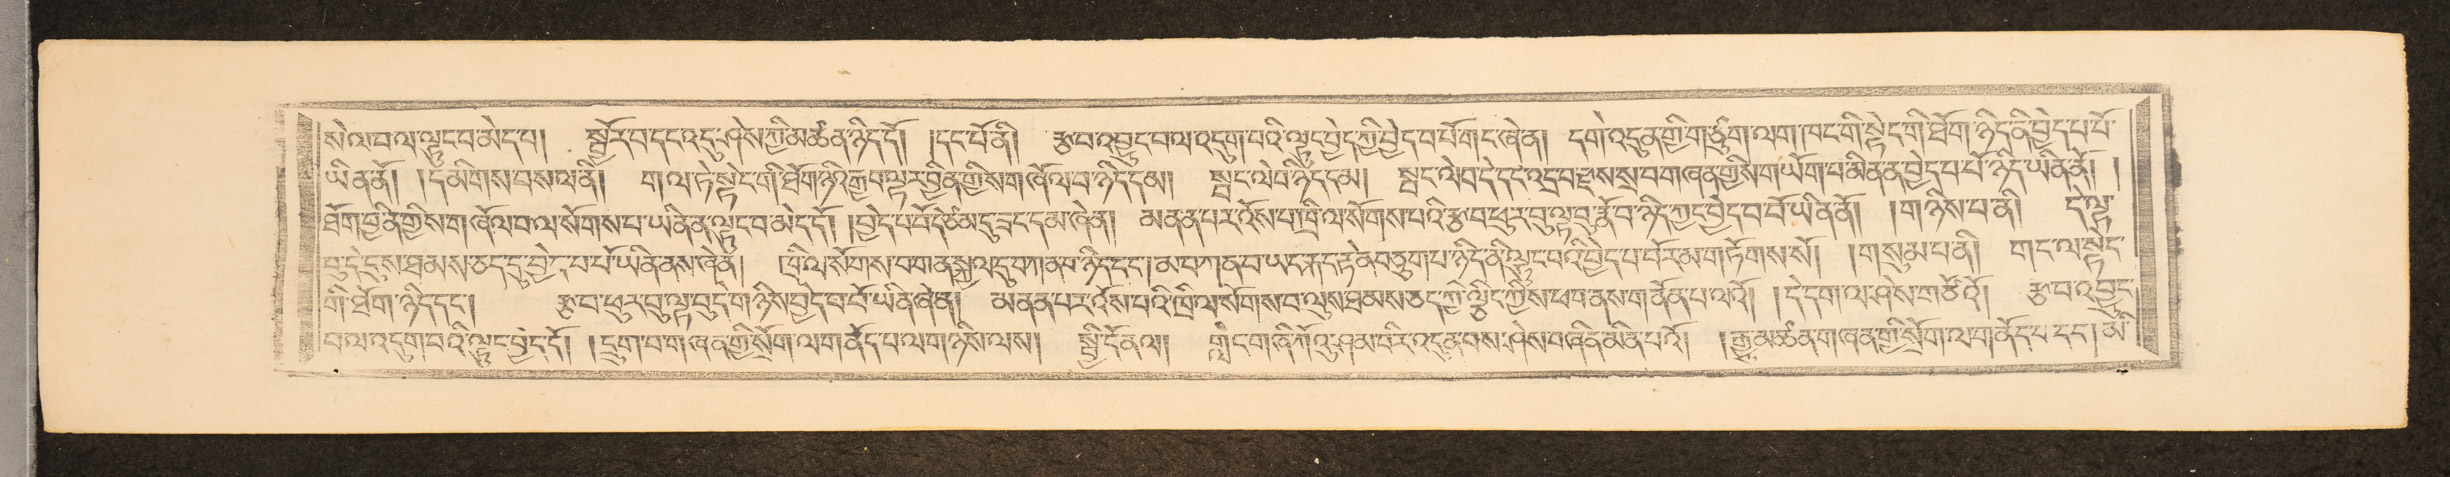སེལ་བ་ལ་ལྟུང་བ་མེད་པ། སྦྱོར་བ་དང་འདུ་ཤེས་ཀྱི་མཚན་ཉིད་དོ། །དང་པོ་ནི། རྩ་བ་འབྱུང་བལ་འདུག་པའི་ལྟུང་བྱེད་ཀྱི་བྱེད་པ་པོ་གང་ཞེ་ན། དགེ་འདུན་གྱི་གཙུག་ལག་ཁང་གི་སྟེང་གི་ཐོག་ཉིང་ནི་བྱེད་པ་པོ་
ཡིན་ནོ། །དམིགས་བསལ་ནི། གལ་ཏེ་སྟེང་གི་ཐོག་ཉའི་རྒྱབ་ལྟར་བྱིན་གྱིས་གཞོལ་བ་ཉིད་དམ། སྦང་ལེབ་ཉིད་དམ། སྤང་ལེབ་དེ་དང་འདྲ་བ་རྫས་སྲ་བ་གཞན་གྱིས་གཡོག་པ་མིན་ན་བྱེད་པ་པོ་ཉིད་ཡིན་ནོ། །
ཐོག་བྱིན་གྱིས་གཞོལ་བ་ལ་སོགས་པ་ཡིན་ན་ལྟུང་བ་མེད་དོ། །བྱེད་པ་པོ་དེ་ཙམ་དུ་ཟད་དམ་ཞེ་ན། མནན་པར་འོས་པ་ཁྲི་ལ་སོགས་པའི་རྩ་བ་ཕུར་བུ་ལྟ་བུ་རྣོ་བ་ཉིད་ཀྱང་བྱེད་པ་པོ་ཡིན་ནོ། །གཉིས་པ་ནི། དེ་ལྟ་
བུ་དེ་དུས་ཐམས་ཅད་དུ་བྱེད་པ་པོ་ཡིན་ནམ་ཞེ་ན། ཁྲི་ལ་སོགས་པ་གན་སྐྱལ་དུ་བཀན་པ་ཉིད་དང་། མ་བཀན་པ་ཡང་རྐང་རྟེན་བ་ཅུག་པ་ཉིད་ནི་ལྟུང་བའི་བྱེད་པ་བོར་མ་གཏོགས་སོ། །གསུམ་པ་ནི། གང་ལ་སྟེང་
གི་ཐོག་ཉིད་དང་། རྩ་བ་ཕུར་བུ་ལྟ་བུ་དེ་གཉིས་བྱེད་པ་པོ་ཡིན་ཞེ་ན། མནན་པར་འོས་པའི་ཁྲི་ལ་སོགས་པ་ལུས་ཐམས་ཅད་ཀྱི་ལྕིད་ཀྱིས་ཕབ་ནས་གནོན་པ་ལའོ། །དེ་དག་ལ་ཤེས་གཙོའོ། རྩ་བ་འབྱུང་
བ་ལ་འདྲུག་པའི་ལྟུང་བྱེད་དོ། །དྲུག་པ་གཞན་གྱི་སྲོག་ལ་གནོང་པ་ལ་གཉིས་ལས། སྤྱི་དོན་ལ། གླེང་གཞི་ཀོའུ་ཤམ་བིར་འདུན་བས་ཤེས་བཞིན་མིན་པའོ། །རྒྱུ་མཚན་གཞན་གྱི་སྲོག་ལ་གནོད་པ་དང་། མི་